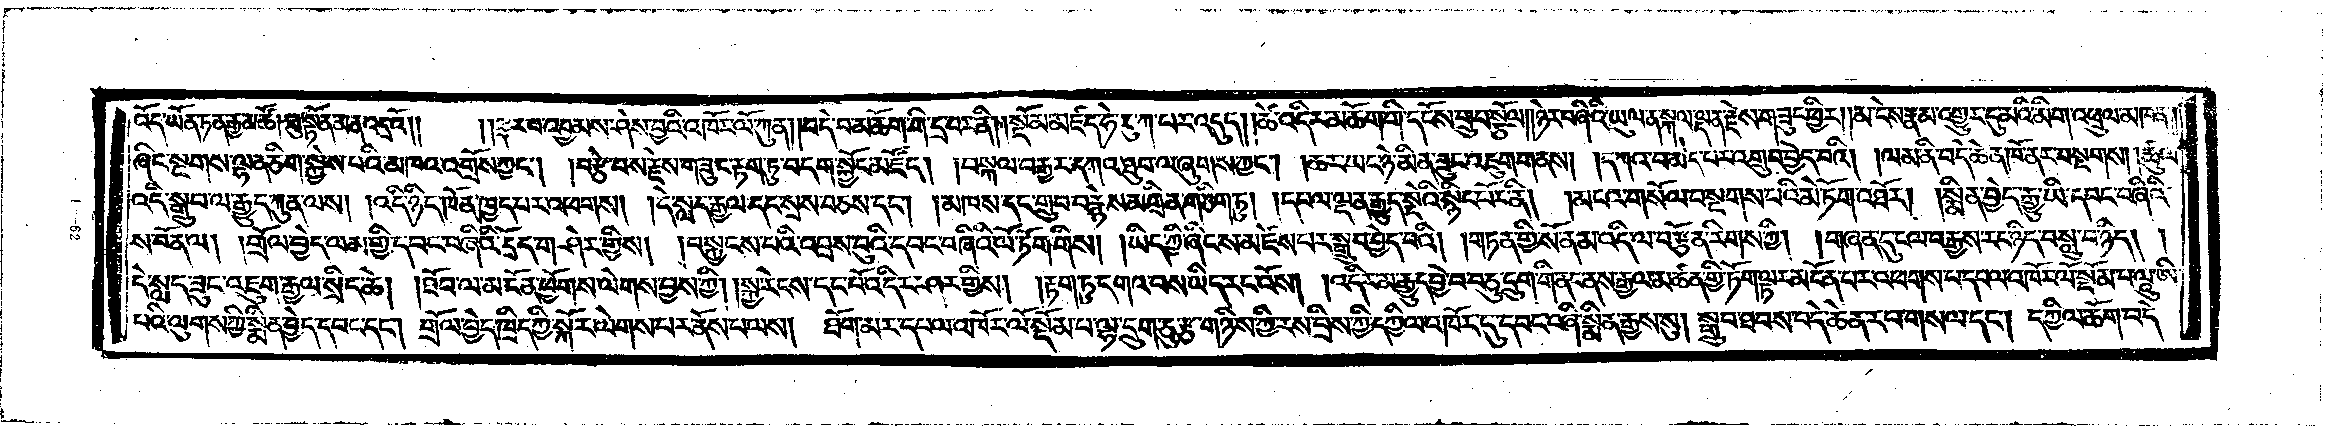འོད་ཡོན་ཏན་རྒྱ་མཚོ། ཐུབ་སྟོན་མན་འདྲའོ།། །།༈རབ་འབྱམས་ཤེས་བྱའི་འཁོར་ལོ་ཀུན། །བདེ་མཆོག་གི་དྲ་བར་ནི། །སྡོམ་མཛད་ཧེ་རུ་ཀ་པར་འདུད། །ཚེ་འདིར་མཆོག་གི་དངོས་གྲུབ་སྩོལ། །ཉེར་བཞིའི་ཡུལ་ན་སྐལ་ལྡན་རྗེས་གཟུང་ཕྱིར། །མ་ངེས་རྣམ་འགྱུར་དུ་མའི་མིག་འཕྲུལ་མཁན་
ཞིང་སྔགས་ལྷན་ཅིག་སྐྱེས་པའི་མཁའ་འགྲོས་ཀྱང་། །བརྩེ་བས་རྗེས་གཟུང་རྟག་ཏུ་བདག་སྐྱོང་མཛོད། །བསྐལ་བརྒྱར་དཀའ་ཐུབ་ལ་ཞུགས་ཀྱང་། །ཆར་ཡང་ཉེ་མིན་ཟུང་འཇུག་གནས། །དཀའ་བ་མེད་པར་འགྲུབ་བྱེད་བའི། །ལམ་ནི་བདེ་ཆེན་ཁོ་ནར་བསྔགས། །ཚུལ་
འདི་སྒྲུབ་ལ་རྒྱུད་ཀུན་ལས། །འདི་ཉིད་ཁོ་ན་ཁྱད་པར་འཕགས། །དེ་སླད་རྒྱལ་དང་སྲས་བཅས་དང་། །མཁས་དང་གྲུབ་བརྙེས་མགྲིན་གཅིག་ཏུ། །དཔལ་ལྡན་རྒྱུད་སྡེའི་སྙིང་པོར་ནི། །མངའ་གསོལ་བསྔགས་པའི་མེ་ཏོག་འཐོར། །སྨིན་བྱེད་རྒྱུ་ཡི་དབང་བཞིའི་
ས་བོན་ལ། །གྲོལ་བྱེད་ལམ་གྱི་དབང་བཞིའི་དྲོད་གཤེར་གྱིས། །བསྐྱངས་པའི་འབྲས་བུའི་དབང་བཞིའི་ལོ་ཏོག་གིས། །ཡིད་ཀྱི་ཞིང་ས་མཛེས་པར་སྒྲུབ་བྱེད་བའི། །གཏན་གྱི་སོ་ནམ་འདི་ལ་བརྩོན་རིགས་ཀྱི། །གཞན་དུ་ངལ་བརྒྱས་རང་ཉིད་བསླུ་བ་ཉིད། །
དེ་སླད་ཟུང་འཇུག་རྒྱལ་སྲིད་ཆེ། །ཐོབ་ལ་མངོན་ཕྱོགས་ལེགས་བྱས་ཀྱི། །སྐྱ་རེངས་དང་པོ་འདིར་ཤར་གྱིས། །རྟག་ཏུ་དགའ་བས་ཡིད་རང་འོས། །འདིར་མ་རྒྱུད་བྱེ་བ་བཅུ་དྲུག་གི་ནང་ནས་རྒྱལ་མཚན་གྱི་ཏོག་ལྟར་མངོན་པར་འཕགས་པ་དཔལ་འཁོར་ལོ་སྡོམ་པ་ལཱུ་ཨི་
པའི་ལུགས་ཀྱི་སྨིན་བྱེད་དབང་དང་། གྲོལ་བྱེད་ཁྲིད་ཀྱི་སྐོར་ལེགས་པར་ནོས་པ་ལས། ཐོག་མར་དཔལ་འཁོར་ལོ་སྡོམ་པ་ལྷ་དྲུག་ཅུ་རྩ་གཉིས་ཀྱི་རས་བྲིས་ཀྱི་དཀྱིལ་འཁོར་དུ་དབང་བཞི་སྨིན་རྒྱས་སུ། །སྒྲུབ་ཐབས་བདེ་ཆེན་རབ་གསལ་དང་། དཀྱིལ་ཆོག་བདེ་